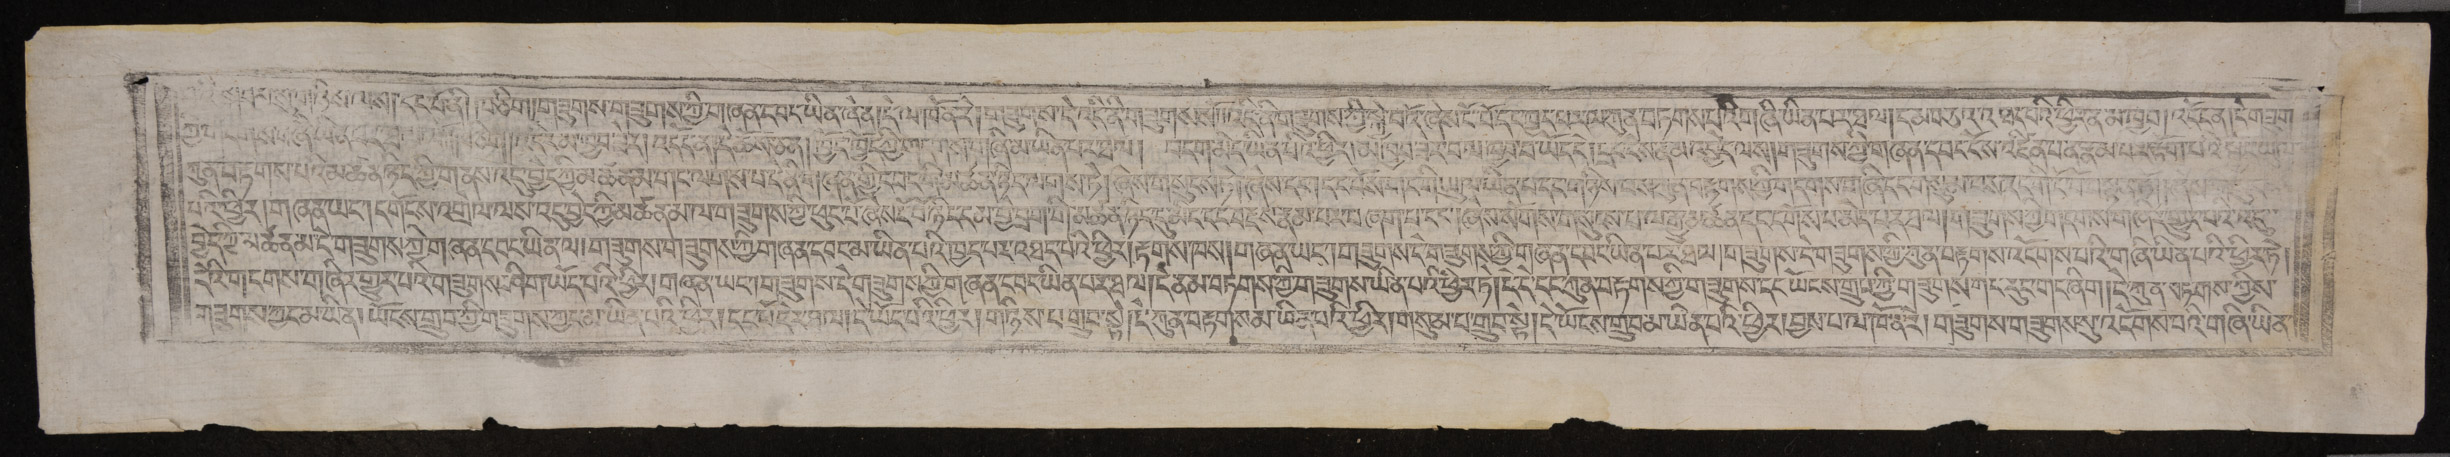པའི་སྐབས་སུ་གཉིས་ལས། དང་པོ་ནི། ཁ་ཅིག །གཟུགས་གཟུགས་ཀྱི་གཞན་དབང་ཡིན་ཞེ་ན། དེ་ལ་ཁོ་ན་རེ། གཟུགས་དེ་འདི་ནི་གཟུགས་སོ། །འདི་ནི་གཟུགས་ཀྱི་སྐྱེ་བོའི་ཞེས་ངོ་བོ་དང་ཁྱད་པར་ལ་ཀུན་བཏགས་པའི་གཞི་ཡིན་པར་ཐལ། དམ་བཅའ་འཐད་པའི་ཕྱིར་ན་མ་ཁྱབ། འདོད་ན། དེ་གཟུགས་
ཀྱི་གདགས་བཞི་ཡིན་པར་ཐལ་ལོ། །ཁ་ཅིག །འདིར་མ་ཁྱབ་ཟེར། འདོད་ན། དེ་ཆོས་ཅན། ཁྱོད་ཁྱོད་ཀྱི་གདགས་གཞི་མ་ཡིན་པར་ཐལ། བདག་མེད་ཡིན་པའི་ཕྱིར། མ་ཁྱབ་ཟེར་བ་ལ་ཁྱབ་པ་ཡོད་དེ། དྲང་ངེས་རྣམ་འབྱེད་ལས། གཟུགས་ཀྱི་གཞན་དབང་ངོས་འཛིན་པ་ན་རྣམ་པར་རྟོག་པའི་སྤྱོད་ཡུལ་
ཀུན་བརྟགས་པའི་མཚན་ཉིད་ཀྱི་གནས་འདུ་བྱེད་ཀྱི་མཚན་མ་གང་ལགས་པ་དེ་ནི་གཞན་གྱི་དབང་གི་མཚན་ཉིད་ལགས་ཏེ། ཞེས་གསུངས་ཏེ། ཞེས་དང་། དང་པོས་གང་གི་ཡུལ་ཡིན་པ་དང་གཉིས་པས་ཀུན་བརྟགས་ཀྱི་གདགས་གཞི་དང་གསུམ་པས་རང་གི་ངོ་བོ་བསྟན་ཏོ། །ཞེས་གསུངས་
པའི་ཕྱིར། གཞན་ཡང་། དགོངས་འགྲེལ་ལས་འདུ་བྱེད་ཀྱི་མཚན་མ་ལ་གཟུགས་ཀྱི་ཕུང་པོ་ཞེས་ངོ་བོ་ཉིད་དམ་བྱེ་བྲག་གི་མཚན་ཉིད་དུ་མིང་དང་བརྡས་རྣམ་པར་བཞག་པ་དང་། ཞེས་སོགས་གསུངས་པ་ལ་རྒྱུ་མཚན་དང་དགོས་པ་མེད་པར་ཐལ། གཟུགས་ཀྱི་གདགས་གཞིར་གྱུར་པའི་འདུ་
བྱེད་ཀྱི་མཚན་མ་དེ་གཟུགས་ཀྱི་གཞན་དབང་ཡིན་ལ། གཟུགས་གཟུགས་ཀྱི་གཞན་དབང་མ་ཡིན་པའི་ཁྱད་པར་འཐད་པའི་ཕྱིར། རྟགས་ཁས། གཞན་ཡང་། གཟུགས་དེ་གཟུགས་ཀྱི་གཞན་དབང་ཡིན་པར་ཐལ། གཟུགས་དེ་གཟུགས་ཀྱི་ཀུན་བརྟགས་འདོགས་པའི་གཞི་ཡིན་པའི་ཕྱིར་ཏེ།
དེའི་གདགས་གཞིར་གྱུར་པའི་གཟུགས་ཤིག་ཡོད་པའི་ཕྱིར། གཞན་ཡང་། གཟུགས་དེ་གཟུགས་ཀྱི་གཞན་དབང་ཡིན་པར་ཐལ། དེ་རྣམ་བཏགས་ཀྱི་གཟུགས་ཡིན་པའི་ཕྱིར་ཏེ། དེ་དེ་དང་ཀུན་བརྟགས་ཀྱི་གཟུགས་དང་ཡོངས་གྲུབ་ཀྱི་གཟུགས་གང་རུང་གང་ཞིག །དེ་ཀུན་བརྟགས་ཀྱིས་
གཟུགས་ཀྱང་མ་ཡིན། ཡོངས་གྲུབ་ཀྱི་གཟུགས་ཀྱང་མ་ཡིན་པའི་ཕྱིར། དང་པོ་དེར་ཐལ། དེ་ཡོད་པའི་ཕྱིར། གཉིས་པ་གྲུབ་སྟེ། དེ་ཀུན་བརྟགས་མ་ཡིན་པའི་ཕྱིར། གསུམ་པ་གྲུབ་སྟེ། དེ་ཡོངས་གྲུབ་མ་ཡིན་པའི་ཕྱིར། བྱས་པ་ལ་ཁོ་ན་རེ། གཟུགས་གཟུགས་སུ་འདོགས་པའི་གཞི་ཡིན་